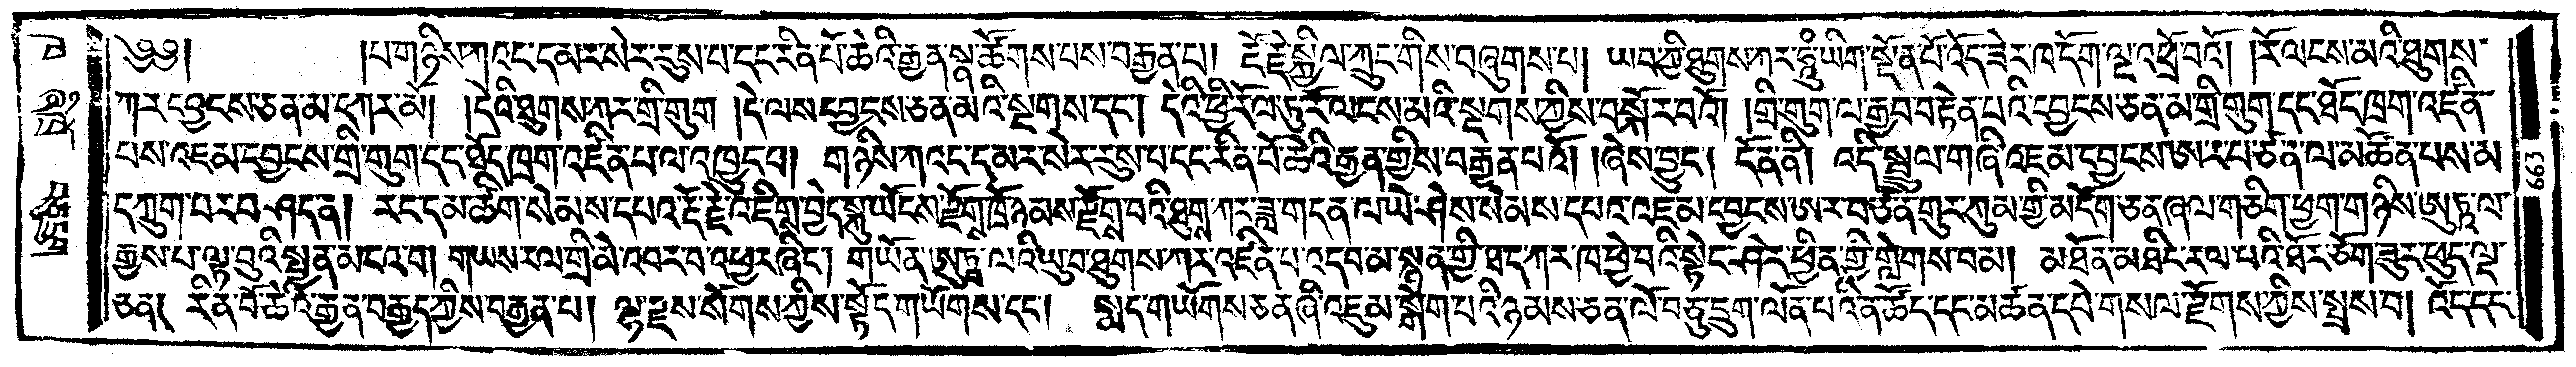༄༅། །པ་གཉིས་ཀའང་དམར་སེར་རུས་བ་དང་རིན་པོ་ཆེའི་རྒྱན་སྣ་ཚོགས་པས་བརྒྱན་པ། རྡོ་རྗེ་སྐྱིལ་ཀྲུང་གིས་བཞུགས་པ། ཡབ་ཀྱི་ཐུགས་ཀར་ཧཱུཾ་ཡིག་སྔོན་པོ་འོད་ཟེར་ཁ་དོག་ལྔ་འཕྲོ་བའོ། །རོ་ལངས་མའི་ཐུགས་
ཀར་དབྱངས་ཅན་མ་དཀར་མོ། །དེའི་ཐུགས་ཀར་གྲི་གུག །དེ་ལས་དབྱངས་ཅན་མའི་སྔགས་དང་། དེའི་ཕྱི་རོལ་ཏུ་རོ་ལངས་མའི་སྔགས་ཀྱིས་བསྐོར་བའོ། །གྲི་གུག་ལ་རྒྱབ་བརྟེན་པའི་དབྱངས་ཅན་མ་གྲི་གུག་དང་ཐོད་ཁྲག་འཛིན་
པས་འཇམ་དབྱངས་གྲི་གུག་དང་ཐོད་ཁྲག་འཛིན་པ་ལ་འཁྱུད་པ། གཉིས་ཀའང་དམར་སེར་རུས་པ་དང་རིན་པོ་ཆེའི་རྒྱན་གྱིས་བརྒྱན་པའོ། །ཞེས་བྱུང་། དོན་ནི། འདི་སྦྲུལ་གཞི་འཇམ་དབྱངས་ཨ་ར་བ་ཙ་ན་ལ་མཚོན་པས་མ་
དཀྲུག་པར་བཤད་ན། རང་དམ་ཚིག་སེམས་དཔའ་རྡོ་རྗེ་འཇིགས་བྱེད་སྐུ་ཡོངས་རྫོགས་ཁྲོ་ཉམས་རྫོགས་པའི་ཐུགས་ཀར་ཟླ་གདན་ལ་ཡེ་ཤེས་སེམས་དཔའ་འཇམ་དབྱངས་ཨ་ར་པ་ཙ་ན་གུར་ཀུམ་གྱི་མདོག་ཅན་ཞལ་གཅིག་ཕྱག་གཉིས་ཨུཏྤ་ལ་
རྒྱས་པ་ལྟ་བུའི་སྤྱན་མངའ་བ། གཡས་རལ་གྲི་མེ་འབར་བ་འཕྱར་ཞིང་། གཡོན་ཨུཏྤ་ལའི་ཡུ་བ་ཐུགས་ཀར་འཛིན་པ་འདབ་མ་སྙན་གྱི་ཐད་ཀར་ཁ་ཕྱེ་བའི་སྟེང་ཤེར་ཕྱིན་གྱི་གླེགས་བམ། མཐོན་མཐིང་རལ་པའི་ཐོར་ཅོག་ཟུར་ཕུད་ལྔ་
ཅན༑ རིན་པོ་ཆེའི་རྒྱན་བརྒྱད་ཀྱིས་བརྒྱན་པ། ལྷ་རྫས་སོགས་ཀྱིས་སྟོད་གཡོགས་དང་། སྨད་གཡོགས་ཅན་ཞི་འཇུམ་སྒེག་པའི་ཉམས་ཅན་ལོ་བཅུ་དྲུག་ལོན་པའི་ན་ཚོད་དང་མཚན་དཔེ་གསལ་རྫོགས་ཀྱིས་སྤྲས་བ། འོད་དང་